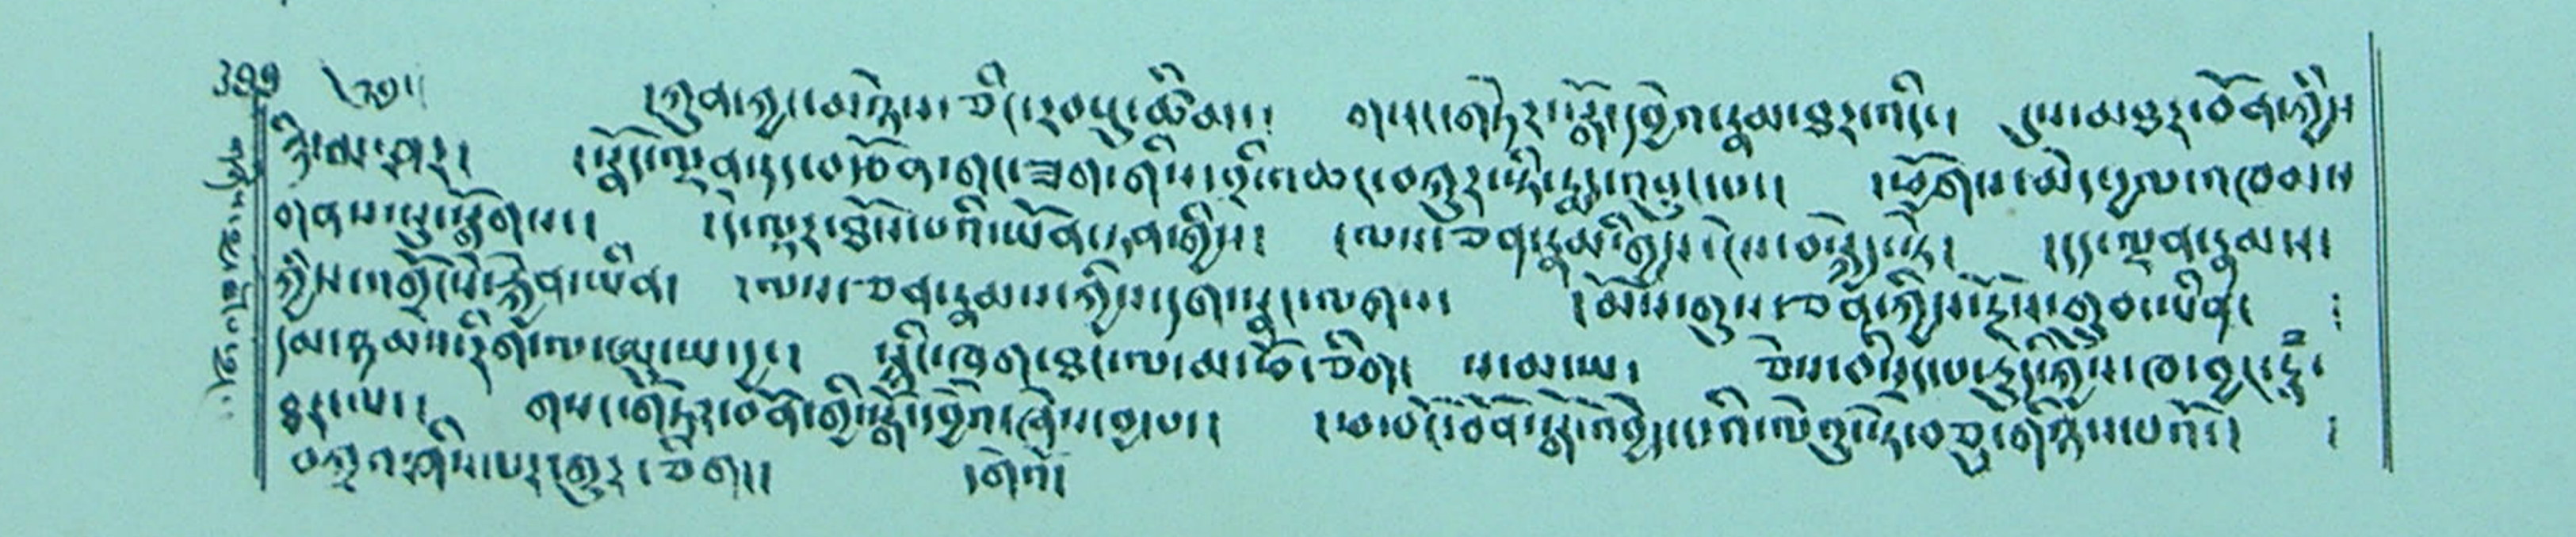༄༅། །ཀུན་ཀྱང་མཉེས་ཅིང་རབ་ཏུ་ཚིམ། གསང་གཏེར་སྒོ་དབྱེའ་རྣམ་ཐར་འདི། དུས་མཐར་བོན་གྱིས་
ཉི་མ་ཤར། སྣོད་ལྡན་དད་བརྩོན་གང་ཟག་གིས་བྲི་འཆང་བཀུར་སྟི་རྨད་འབྱུང་བ། ཕྱོགས་མེད་རྒྱལ་ཁམས་
གནས་སུ་སྒྲོགས། དེ་ལྟར་ཐོས་པའི་ཡོན་ཏན་གྱིས། ལས་ཅན་རྣམས་ཀྱིས་ངེས་བསྐྱེད་དེ། དད་ལྡན་རྣམས་
ཀྱིས་འགྲོངས་རྐྱེན་ཡིན། ལས་ཅན་རྣམས་ཀྱིས་དག་སྣང་ལགས། མོས་གུས་ཅན་གྱི་དངོས་གྲུབ་ཡིན། 
དམ་ཉམས་རིགས་ལ་ཨུ་ཡ་རྒྱ། སྙིང་ཁྲག་ཐང་ལ་མ་ཕོ་ཅིག ས་མ་ཡ་ཅེས་བསྲིད་པ་རྒྱུད་ཀྱི་ཁ་བྱང་རྣམ་
ཐར་ལ། གསང་གཏེར་བོན་གྱི་སྒོ་དབྱེའ་ཞེས་བྱ་བ། ཕ་བོང་བོན་སྒོ་འབྱེད་པའི་ལེའུ་སྟེ་བཅུ་གཉིས་པའོ། 
བཀྲ་ཤིས་པར་གྱུར་ཅིག། དགེའོ།། །